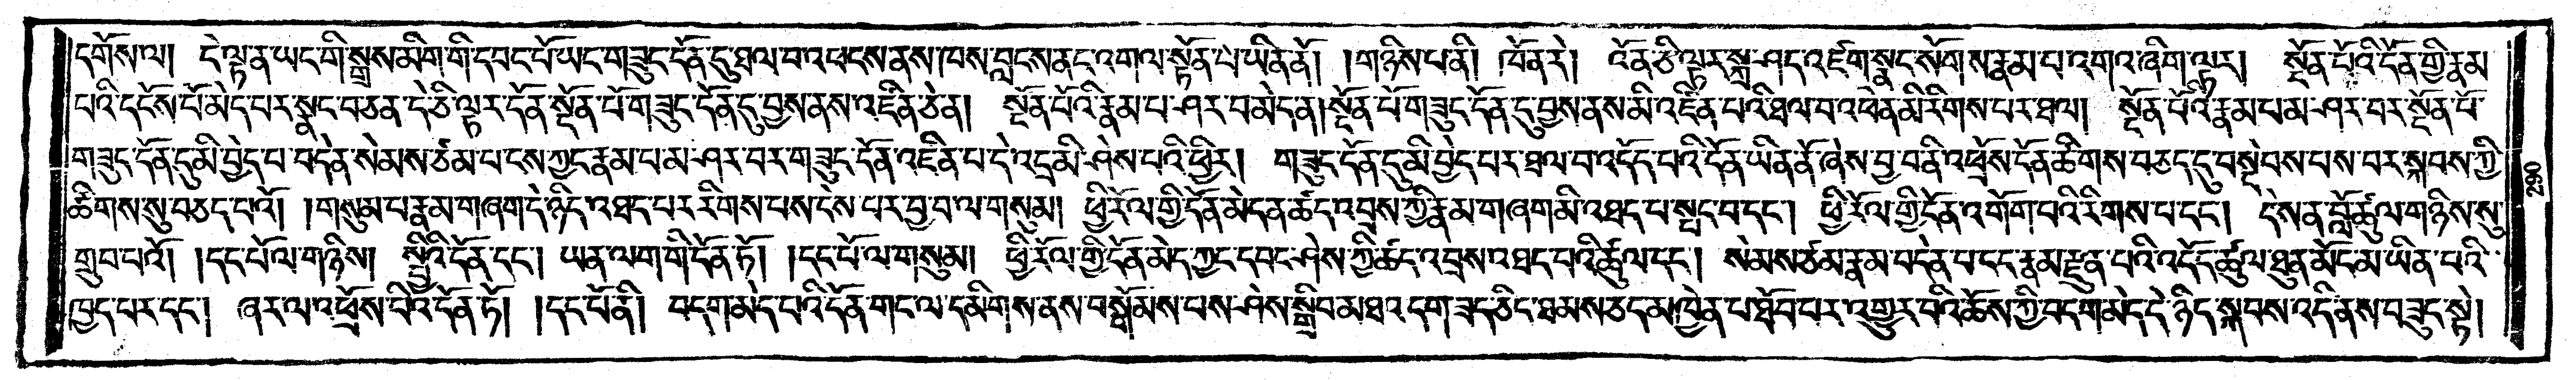དགོས་ལ། དེ་ལྟ་ན་ཡང་གི་སྒྲས་མིག་གི་དབང་པོ་ཡང་གཟུང་དོན་དུ་ཐལ་བ་འཕངས་ནས་ཁས་བླངས་ནད་འགལ་སྟོན་པ་ཡིན་ནོ། །གཉིས་པ་ནི། ཁོ་ན་རེ། འོ་ན་ཅི་ལྟར་སྐྲ་ཤད་འཛག་སྣང་སོགས་རྣམ་པ་འགའ་ཞིག་ལྟར། སྔོན་པོའི་དོན་གྱི་རྣམ་
པའི་དངོས་པོ་མེད་པར་སྣང་བ་ཅན་དེ་ཅི་ལྟར་དོན་སྔོན་པོ་གཟུང་དོན་དུ་བྱས་ནས་འཛིན་ཅེ་ན། སྔོན་པོའི་རྣམ་པ་ཤར་བ་མེད་ན། སྔོན་པོ་གཟུང་དོན་དུ་བྱས་ནས་མི་འཛིན་པའི་ཐལ་བ་འཕེན་མི་རིགས་པར་ཐལ། སྔོན་པོའི་རྣམ་པ་མ་ཤར་བར་སྔོན་པོ་
གཟུང་དོན་དུ་མི་བྱེད་པ་བདེན་སེམས་ཙམ་པ་ངས་ཀྱང་རྣམ་པ་མ་ཤར་བར་གཟུང་དོན་འཛིན་པ་དེ་འདྲ་མི་ཤེས་པའི་ཕྱིར། གཟུང་དོན་དུ་མི་བྱེད་པར་ཐལ་བ་འདོད་པའི་དོན་ཡིན་ནོ་ཞེས་བྱ་བ་ནི་འཕྲོས་དོན་ཚིགས་བཅད་དུ་བསྡེབས་པས་བར་སྐབས་ཀྱི་
ཚིགས་སུ་བཅད་པའོ། །གསུམ་པ་རྣམ་གཞག་དེ་ཉིད་འཐད་པར་རིགས་པས་ངེས་པར་བྱ་བ་ལ་གསུམ། ཕྱི་རོལ་གྱི་དོན་མེད་ན་ཚད་འབྲས་ཀྱི་རྣམ་གཞག་མི་འཐད་པ་སྤང་བ་དང་། ཕྱི་རོལ་གྱི་དོན་འགོག་པའི་རིགས་པ་དང་། དེས་ན་བློ་ཚུལ་གཉིས་སུ་
གྲུབ་པའོ། །དང་པོ་ལ་གཉིས། སྤྱིའི་དོན་དང་། ཡན་ལག་གི་དོན་ཏོ། །དང་པོ་ལ་གསུམ། ཕྱི་རོལ་གྱི་དོན་མེད་ཀྱང་དབང་ཤེས་ཀྱི་ཚད་འབྲས་འཐད་པའི་ཚུལ་དང་། སེམས་ཙམ་རྣམ་བདེན་པ་དང་རྣམ་རྫུན་པའི་འདོད་ཚུལ་ཐུན་མོང་མ་ཡིན་པའི་
ཁྱད་པར་དང་། ཞར་ལ་འཕྲོས་པའི་དོན་ཏོ། །དང་པོ་ནི། བདག་མེད་པའི་དོན་གང་ལ་དམིགས་ནས་བསྒོམས་པས་ཤེས་སྒྲིབ་མཐའ་དག་ཟད་ཅིང་ཐམས་ཅད་མཁྱེན་པ་ཐོབ་པར་འགྱུར་བའི་ཆོས་ཀྱི་བདག་མེད་དེ་ཉིད་སྐབས་འདི་ནས་བཟུང་སྟེ།